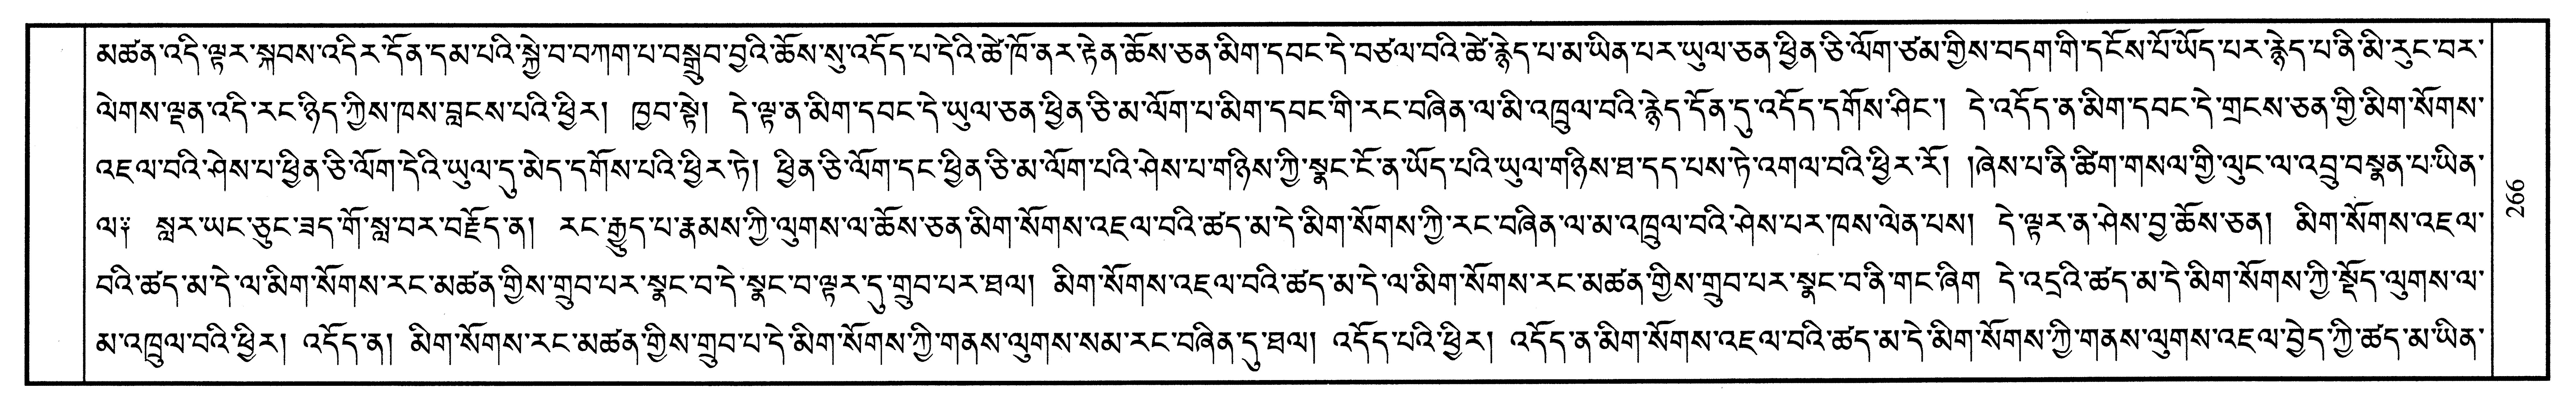མཚན་འདི་ལྟར་སྐབས་འདིར་དོན་དམ་པའི་སྐྱེ་བ་བཀག་པ་བསྒྲུབ་བྱའི་ཆོས་སུ་འདོད་པ་དེའི་ཚེ་ཁོ་ནར་རྟེན་ཆོས་ཅན་མིག་དབང་དེ་བཙལ་བའི་ཚེ་རྙེད་པ་མ་ཡིན་པར་ཡུལ་ཅན་ཕྱིན་ཅི་ལོག་ཙམ་གྱིས་བདག་གི་དངོས་པོ་ཡོད་པར་རྙེད་པ་ནི་མི་རུང་བར་
ལེགས་ལྡན་འདི་རང་ཉིད་ཀྱིས་ཁས་བླངས་པའི་ཕྱིར། ཁྱབ་སྟེ། དེ་ལྟ་ན་མིག་དབང་དེ་ཡུལ་ཅན་ཕྱིན་ཅི་མ་ལོག་པ་མིག་དབང་གི་རང་བཞིན་ལ་མི་འཁྲུལ་བའི་རྙེད་དོན་དུ་འདོད་དགོས་ཤིང་། དེ་འདོད་ན་མིག་དབང་དེ་གྲངས་ཅན་གྱི་མིག་སོགས་
འཇལ་བའི་ཤེས་པ་ཕྱིན་ཅི་ལོག་དེའི་ཡུལ་དུ་མེད་དགོས་པའི་ཕྱིར་ཏེ། ཕྱིན་ཅི་ལོག་དང་ཕྱིན་ཅི་མ་ལོག་པའི་ཤེས་པ་གཉིས་ཀྱི་སྣང་ངོ་ན་ཡོད་པའི་ཡུལ་གཉིས་ཐ་དད་པས་ཏེ་འགལ་བའི་ཕྱིར་རོ། །ཞེས་པ་ནི་ཚིག་གསལ་གྱི་ལུང་ལ་འབྲུ་བསྣན་པ་ཡིན་
ལ༑ སླར་ཡང་ཅུང་ཟད་གོ་སླ་བར་བརྗོད་ན། རང་རྒྱུད་པ་རྣམས་ཀྱི་ལུགས་ལ་ཆོས་ཅན་མིག་སོགས་འཇལ་བའི་ཚད་མ་དེ་མིག་སོགས་ཀྱི་རང་བཞིན་ལ་མ་འཁྲུལ་བའི་ཤེས་པར་ཁས་ལེན་པས། དེ་ལྟར་ན་ཤེས་བྱ་ཆོས་ཅན། མིག་སོགས་འཇལ་
བའི་ཚད་མ་དེ་ལ་མིག་སོགས་རང་མཚན་གྱིས་གྲུབ་པར་སྣང་བ་དེ་སྣང་བ་ལྟར་དུ་གྲུབ་པར་ཐལ། མིག་སོགས་འཇལ་བའི་ཚད་མ་དེ་ལ་མིག་སོགས་རང་མཚན་གྱིས་གྲུབ་པར་སྣང་བ་ནི་གང་ཞིག། དེ་འདྲའི་ཚད་མ་དེ་མིག་སོགས་ཀྱི་སྡོད་ལུགས་ལ་
མ་འཁྲུལ་བའི་ཕྱིར། འདོད་ན། མིག་སོགས་རང་མཚན་གྱིས་གྲུབ་པ་དེ་མིག་སོགས་ཀྱི་གནས་ལུགས་སམ་རང་བཞིན་དུ་ཐལ། འདོད་པའི་ཕྱིར། འདོད་ན་མིག་སོགས་འཇལ་བའི་ཚད་མ་དེ་མིག་སོགས་ཀྱི་གནས་ལུགས་འཇལ་བྱེད་ཀྱི་ཚད་མ་ཡིན་